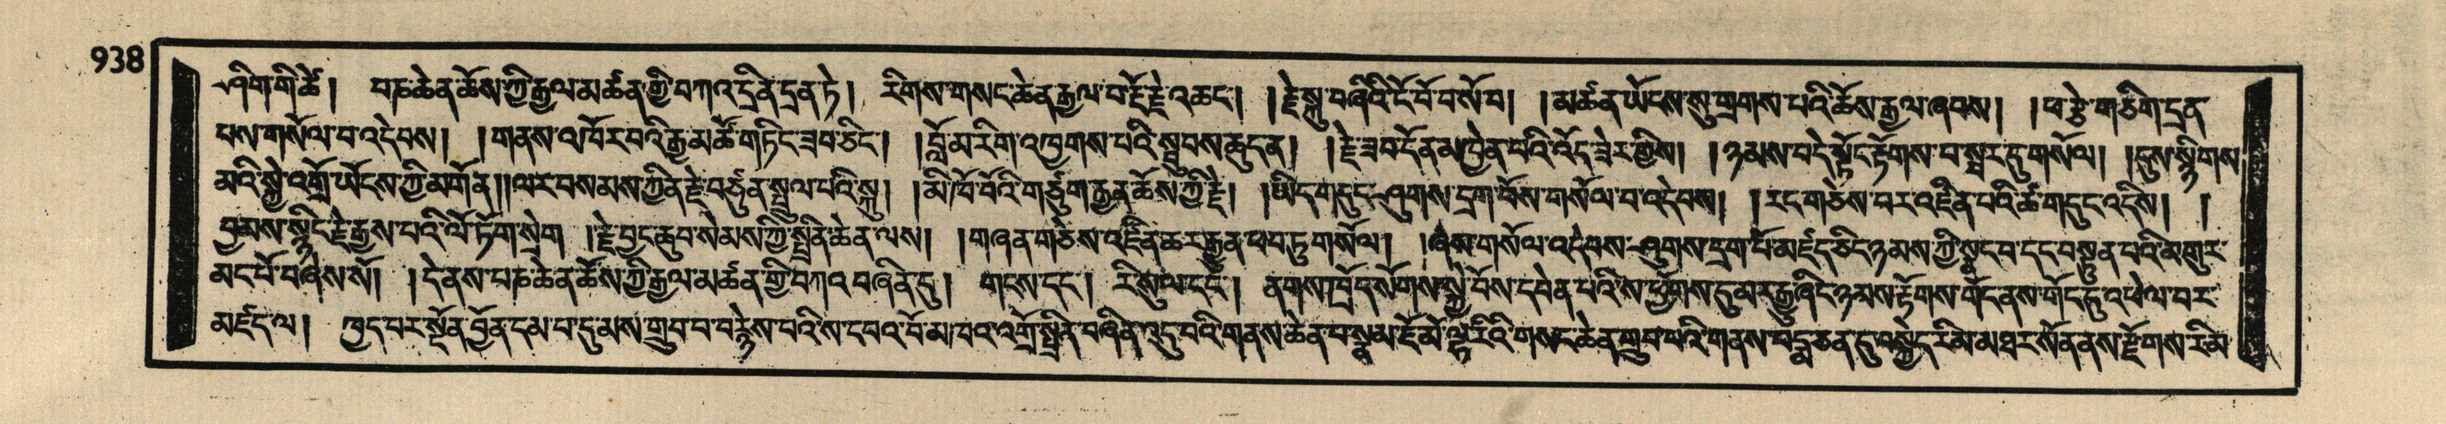ཤིག་གི་ཚེ། པཎ་ཆེན་ཆོས་ཀྱི་རྒྱལ་མཚན་གྱི་བཀའ་དྲིན་དྲན་ཏེ། རིགས་གསང་ཆེན་རྒྱལ་བ་རྡོ་རྗེ་འཆང་། །རྗེ་སྐུ་བཞིའི་ངོ་བོ་བ་སོ་བ། །མཚན་ཡོངས་སུ་གྲགས་པའི་ཆོས་རྒྱལ་ཞབས། །ཕ་རྩེ་གཅིག་དྲན་
པས་གསོལ་བ་འདེབས། །གནས་འཁོར་བའི་རྒྱ་མཚོ་གཏིང་ཟབ་ཅིང་། །བློ་མ་རིག་འཁྱགས་པའི་སྦུབས་ཆུད་ན། །རྗེ་ཟབ་དོན་མཁྱེན་པའི་འོད་ཟེར་གྱིས། །ཉམས་བདེ་སྟོང་རྟོགས་པ་སྦར་དུ་གསོལ། །དུས་སྙིགས་
མའི་སྐྱེ་འགྲོ་ཡོངས་ཀྱི་མགོན། །ལར་བསམས་ཀྱིན་རྗེ་བཙུན་སྤྲུལ་པའི་སྐུ། །མི་ཁོ་བོའི་གཙུག་རྒྱན་ཆོས་ཀྱི་རྗེ། །ཡིད་གདུང་ཤུགས་དྲག་བོས་གསོལ་བ་འདེབས། །རང་གཅེས་པར་འཛིན་པའི་ཚ་གདུང་འདིས། །
བྱམས་སྙིང་རྗེ་རྒྱས་པའི་ལོ་ཏོག་སྲེག །རྗེ་བྱང་ཆུབ་སེམས་ཀྱི་སྤྲིན་ཆེན་ལས། །གཞན་གཅེས་འཛིན་ཆར་རྒྱུན་ཕབ་ཏུ་གསོལ། །ཞེས་གསོལ་འདེབས་ཤུགས་དྲག་པོ་མཛད་ཅིང་ཉམས་ཀྱི་སྣང་བ་དང་བསྟུན་པའི་མགུར་
མང་པོ་བཞེས་སོ། །དེ་ནས་པཎ་ཆེན་ཆོས་ཀྱི་རྒྱལ་མཚན་གྱི་བཀའ་བཞིན་དུ། གངས་དང་། རི་སུལ་དང་། ནགས་ཁྲོད་སོགས་སྐྱེ་བོས་དབེན་པའི་ས་ཕྱོགས་དུ་མར་རྒྱུ་ཞིང་ཉམས་རྟོགས་གོང་ནས་གོང་དུ་འཕེལ་བར་
མཛད་ལ། ཁྱད་པར་སྔོན་བྱོན་དམ་པ་དུ་མས་གྲུབ་པ་བརྙེས་པའི་ས་དབའ་བོ་མཁའ་འགྲོ་སྤྲིན་བཞིན་འདུ་བའི་གནས་ཆེན་པ་སྣམ་ཇོ་མོ་ལྷ་རིའི་གསང་ཆེན་གྲུབ་པའི་གནས་པདམ་ཅན་དུ་བསྐྱེད་རིམ་མཐར་སོན་ནས་རྫོགས་རིམ་